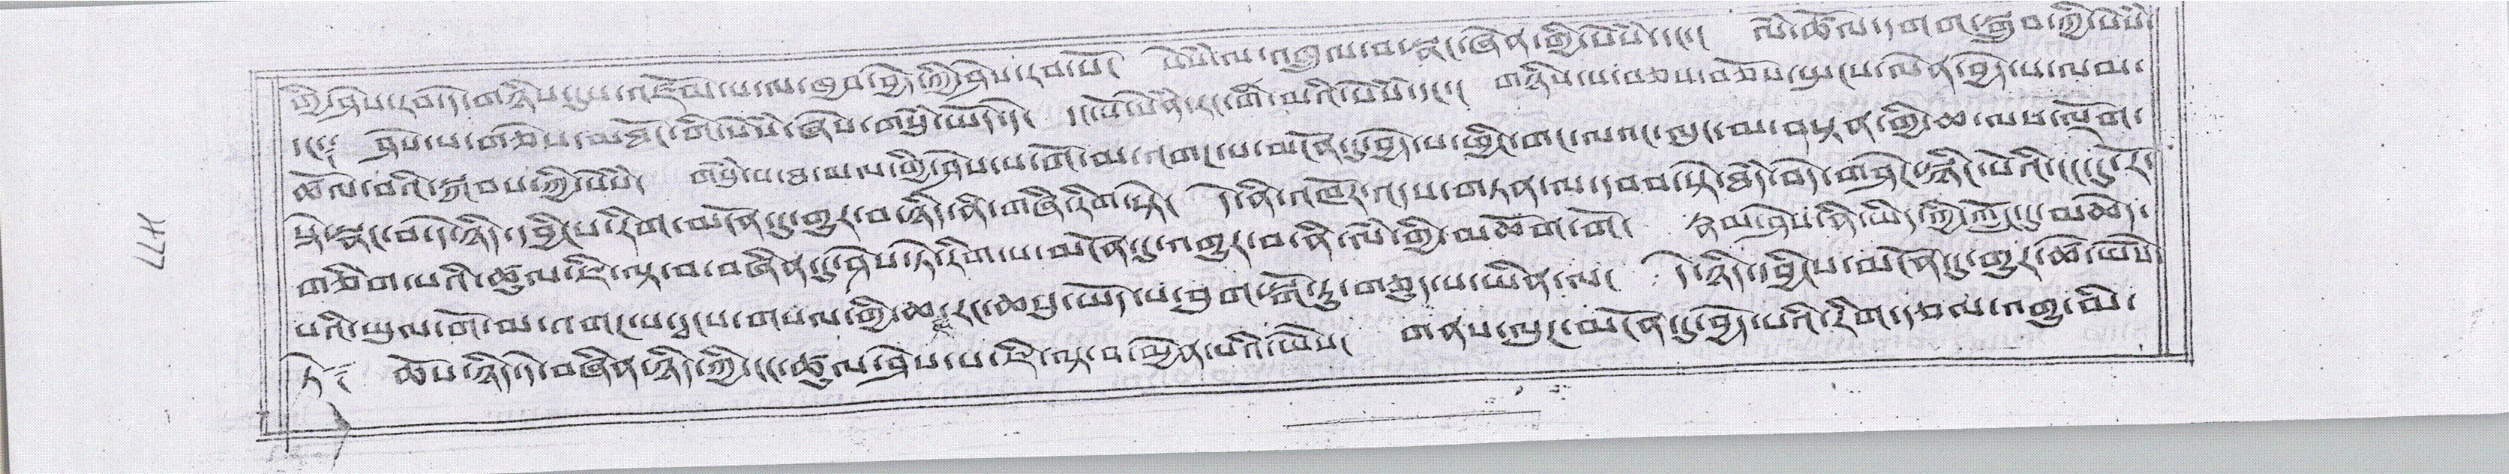གྱི་ཤེས་རབ་དེ་གཉིས་དུས་འཛོམས་པ་ལ་ཁྱབ་བྱེད་ཀྱི་ཤེས་རབ་བོ། སེམས་ལ་འཁྲུལ་པ་སྣང་ཞེན་གྱི་སེམས་དང་། ལམ་ཚོལ་དགག་སྒྲུབ་ཀྱི་སེམས་
དང་། ཤེས་པ་གཅེས་མཐོང་གི་སེམས་ཞེས་གསུམ་ཡོད་དེ། དང་པོ་སེམས་ཅན་རང་གི་མའི་སེམས་དང་། གཉིས་པ་བཅས་བཅོས་སྤང་ལེན་བྱེད་པ་ལམ་
ཚོལ་བའི་སྐབས་ཀྱི་སེམས་དང་། གསུམ་པ་ཐ་མལ་གྱི་ཤེས་པ་གོ་མ་འགག་པ་མངོན་དུ་བྱེད་པ་ཕྱི་ནང་གང་ལའང་ལུང་མ་བསྟན་གྱི་ཆ་ལས་ལྡོག་
སྟེ་སྣང་བ་དེ་ཉིད་ཀྱི་དབྱིངས་རིག་མངོན་དུ་གྱུར་པ་ཉིད་ནི་གཞི་རིག་སྟེ། དེ་ནི་འཁོར་འདས་གཏན་ལ་དབབ་སྟེ་ཐམས་ཅད་བདེར་གཤེགས་སྙིང་པོའི་ངང་དུ་རོ་
གཅིག་པའི་ཚུལ་ཇི་ལྟ་བ་བཞིན་དུ་ཤེས་ཏེ་རིག་པ་མངོན་དུ་འགྱུར་བ་ནི་ལམ་གྱི་མཆོག་གོ རྣམ་ཤེས་ནི་ཡིད་ཀྱི་ཀློང་དུ་མཆེད་
པའི་ཡུལ་གོ་མ་འགག་པ་དྭངས་གསལ་གྱི་ཆ་སྟེ་རང་ཆས་སུ་ཡོད་པ་བུག་སྒོ་རུ་བཅུད་པ་ཡིན་ལ། དེ་ཉིད་དབྱིངས་མངོན་དུ་གྱུར་ཚེ་ཡེ་ཤེས་
ཏེ། ཆོས་ཉིད་དེ་བཞིན་ཉིད་ཀྱི་ངང་ཚུལ་ཤེས་པ་ཇི་ལྟ་བ་མཁྱེན་པའི་ཡེ་ཤེས། གནས་ལུགས་མངོན་དུ་བྱེད་པའི་རིག་རྩལ་འགྱུ་མི་